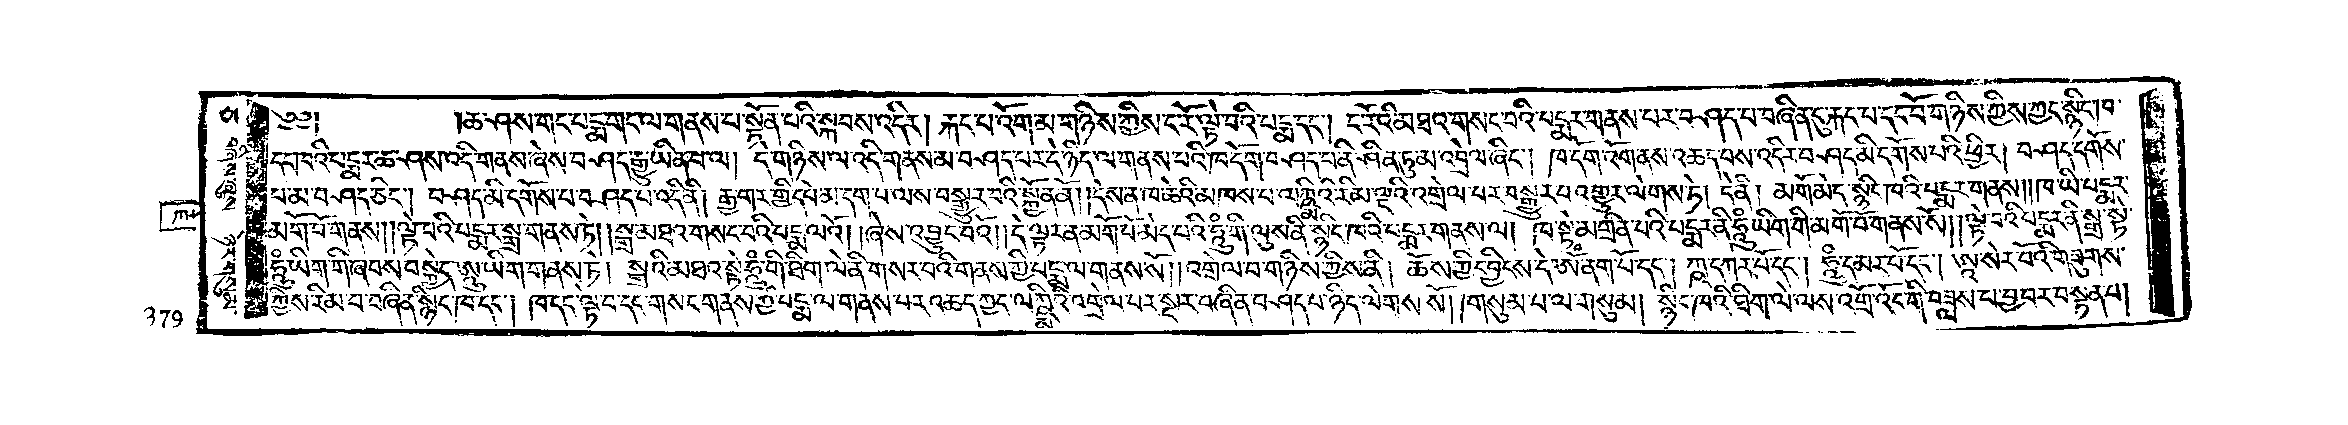༄༅། །ཆ་ཤས་གང་པདམ་གང་ལ་གནས་པ་སྟོན་པའི་སྐབས་འདིར། རྐང་པ་འོག་མ་གཉིས་ཀྱིས་ང་རོ་ལྟེ་བའི་པདམ་དང་། ང་རོའི་མཐའ་གསང་བའི་པདམར་གནས་པར་བཤད་པ་བཞིན་དུ་རྐང་པ་དང་པོ་གཉིས་ཀྱིས་ཀྱང་སྙིང་ཁ་
དང་ཁའི་པདམར་ཆ་ཤས་འདི་གནས་ཞེས་བཤད་རྒྱུ་ཡིན་པ་ལ། དེ་གཉིས་ལ་འདི་གནས་མ་བཤད་པར་དེ་ཉིད་ལ་གནས་པའི་ཁ་དོག་བཤད་པ་ནི་ཤིན་ཏུ་མ་འབྲེལ་ཞིང་། ཁ་དོག་འོག་ནས་འཆད་པས་འདིར་བཤད་མི་དགོས་པའི་ཕྱིར། བཤད་དགོས་
པ་མ་བཤད་ཅིང་། བཤད་མི་དགོས་པ་བཤད་པ་འདི་ནི། རྒྱ་གར་གྱི་དཔེ་མ་དག་པ་ལས་བསྒྱུར་བའི་སྐྱོན་ནོ། །དེས་ན་ཁ་ཆེའི་མཁས་པ་ལཀྵྨིའི་རིམ་ལྔའི་འགྲེལ་པར་བསྒྱུར་བ་འགྱུར་ལེགས་ཏེ། དེ་ནི། མགོ་མེད་སྙིང་ཁའི་པདམར་གནས། །ཁ་ཡི་པདམར་
མགོ་བོ་གནས། །ལྟེ་བའི་པདམར་སྒྲ་གནས་ཏེ། །སྒྲ་མཐའ་གསང་བའི་པདམ་ལའོ། །ཞེས་འབྱུང་བའོ། །དེ་ལྟར་ན་མགོ་བོ་མེད་པའི་ཧཱུཾ་གི་ལུས་ནི་སྙིང་ཁའི་པདམར་གནས་ལ། ཁ་སྟེ་མགྲིན་པའི་པདམར་ནི་ཧཱུཾ་ཡིག་གི་མགོ་བོ་གནས་སོ། །ལྟེ་བའི་པདམར་ནི་སྒྲ་སྟེ་
ཧཱུཾ་ཡིག་གི་ཞབས་བསྐྱེད་ཨཱུ་ཡིག་གནས་ཏེ། སྒྲའི་མཐའ་སྟེ་ཧཱུཾ་གི་ཐིག་ལེ་ནི་གསང་བའི་གནས་ཀྱི་པདམ་ལ་གནས་སོ། །འགྲེལ་བ་གཉིས་ཀྱིས་ནི། ཆོས་ཀྱི་དབྱིངས་དེ་ཨོཾ་ནག་པོ་དང་། ཀྵ་དཀར་པོ་དང་། ཧཱུཾ་དམར་པོ་དང་། ཨཱ་སེར་པོའི་གཟུགས་
ཀྱིས་རིམ་པ་བཞིན་སྙིང་ཁ་དང་། ཁ་དང་ལྟེ་བ་དང་གསང་གནས་ཀྱི་པདམ་ལ་གནས་པར་འཆད་ཀྱང་ལཀྵྨིའི་འགྲེལ་པར་སྔར་བཞིན་བཤད་པ་ཉིད་ལེགས་སོ། །གསུམ་པ་ལ་གསུམ། སྙིང་ཁའི་ཐིག་ལེ་ལས་འགྲོ་འོང་གི་བཟླས་པ་བྱ་བར་བསྟན་པ།